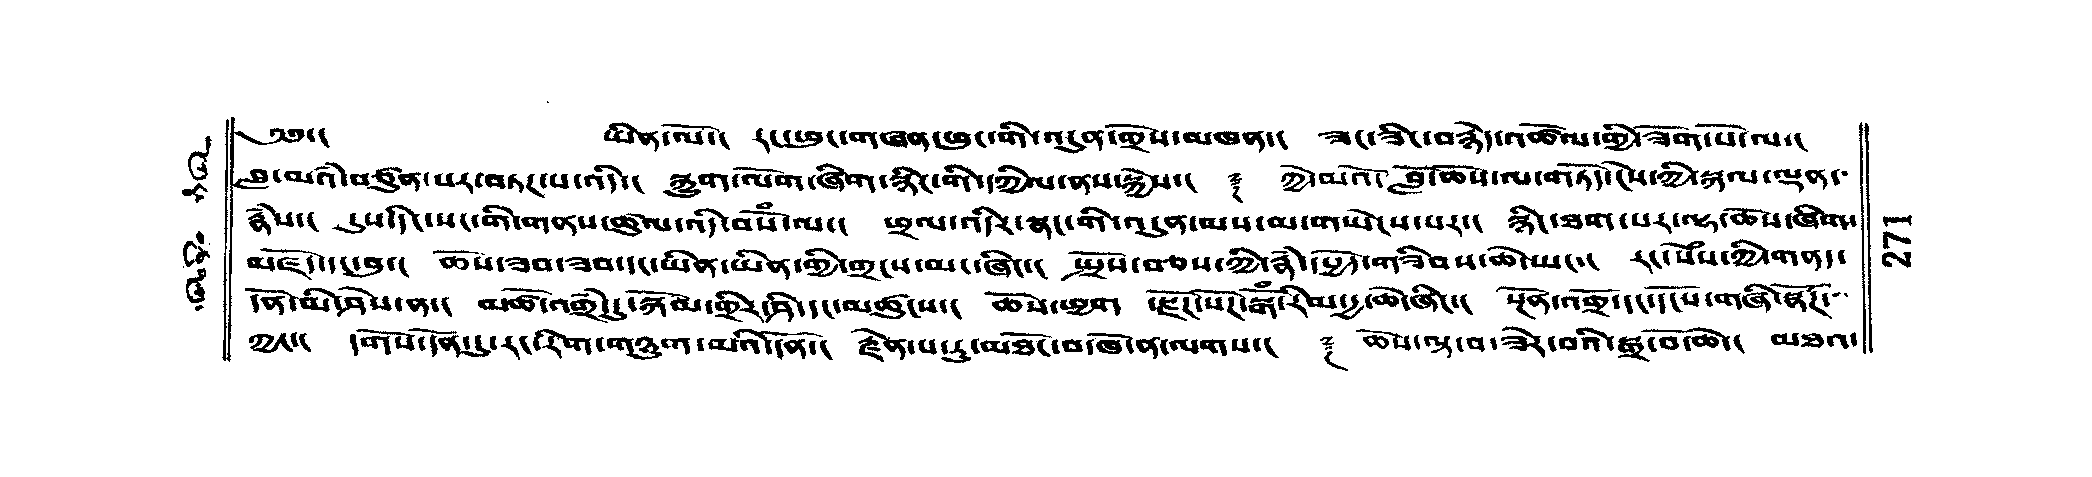ཡིན་ལོ། །རང་ཕུང་གཞན་ཕུང་གི་འདུན་གྲོས་མཁན། །ཟང་ཟིང་བརྙེད་འཚོལ་གྱི་ཟོག་པོ་ལ། །
བླ་མའམ་བཙུན་པར་བཏགས་པ་འདི། །སྐྱུག་ལོག་ཞིག་སྙིང་གི་དཀྱིལ་ནས་སྐྱེས།། ༈ ཀྱེ་མའོ། བློ་ཆོས་ལ་གཏོད་ངེས་ཀྱི་སྐལ་ལྡན་
རྣམས། །དུས་དིང་སང་གི་གནས་ཚུལ་འདི་སོམ་ལ། །ཕྲལ་འདིར་སྣང་གི་འདུན་མས་མ་གཡེངས་པར། །སྙིང་ཐག་པར་ལྷ་ཆོས་ཞིག་
མཛོད་དང་བུ། །ཆོས་ཟབ་ཟབ་དང་ཡིན་ཡིན་གྱི་གྲངས་མང་ཞིང་། །སྤྲོས་བཅས་ཀྱི་རྣམ་དཔྱོད་གཞིགས་ཆེ་ཡང་། །རང་སེམས་ཀྱི་གནད་
དོན་མི་ཤེས་ན། །མཚོ་འགྲམ་དུ་སྐོམ་གྲིར་ཤི་དང་མཚུངས། །ཆོས་ཕྱག་རྫོགས་སོགས་སྒོམ་རིམ་རྒྱ་ཆེ་ཞིང་། །སྔོན་འགྲོ་དང་དངོས་གཞི་སྣ་ཚོགས་
ཀྱང་། །དགོས་དོན་དུ་རང་རིག་གཉུག་མའི་དོན། །རྗེན་པ་རུ་མཐོང་བ་ཁོ་ན་ལགས། །ཆོས་ལྟ་བ་ཟེར་བའི་སྒྲ་བོ་ཆེ། །མཐའ་